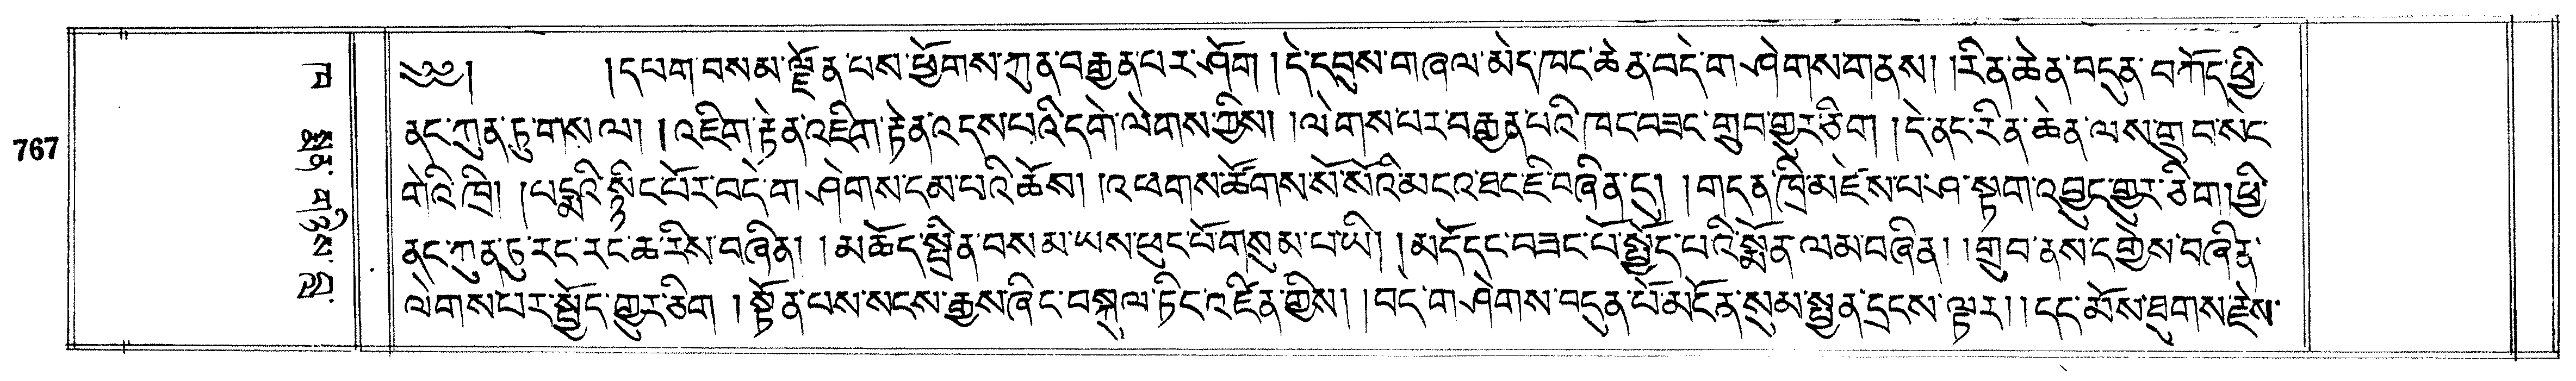༄༅། །དཔག་བསམ་ལྗོན་པས་ཕྱོགས་ཀུན་བརྒྱན་པར་ཤོག །དེ་དབུས་གཞལ་མེད་ཁང་ཆེན་བདེ་གཤེགས་གནས། །རིན་ཆེན་བདུན་བཀོད་ཕྱི་
ནང་ཀུན་ཏུ་གསལ། །འཇིག་རྟེན་འཇིག་རྟེན་འདས་པའི་དགེ་ལེགས་ཀྱིས། །ལེགས་པར་བརྒྱན་པའི་ཁང་བཟང་གྲུབ་གྱུར་ཅིག །དེ་ནང་རིན་ཆེན་ལས་གྲུབ་སེང་
གེའི་ཁྲི། །པདམའི་སྙིང་པོར་བདེ་གཤེགས་དམ་པའི་ཆོས། །འཕགས་ཚོགས་སོ་སོའི་མངའ་ཐང་ཇི་བཞིན་དུ། །གདན་ཁྲི་མཛེས་པ་ཤ་སྟག་འབྱུང་གྱུར་ཅིག །ཕྱི་
ནང་ཀུན་ཏུ་རང་རང་ཆ་རིས་བཞིན། །མཆོད་སྤྲིན་བསམ་ཡས་ཕུང་པོ་གསུམ་པ་ཡི། །མདོ་དང་བཟང་པོ་སྤྱོད་པའི་སྨོན་ལམ་བཞིན། །གྲུབ་ནས་དགྱེས་བཞིན་
ལེགས་པར་སྤྱོད་གྱུར་ཅིག །སྟོན་པས་སངས་རྒྱས་ཞིང་བསྐུལ་ཏིང་འཛིན་གྱིས། །བདེ་གཤེགས་བདུན་པོ་མངོན་སུམ་སྤྱན་དྲངས་ལྟར། །དད་མོས་ཐུགས་རྗེས་